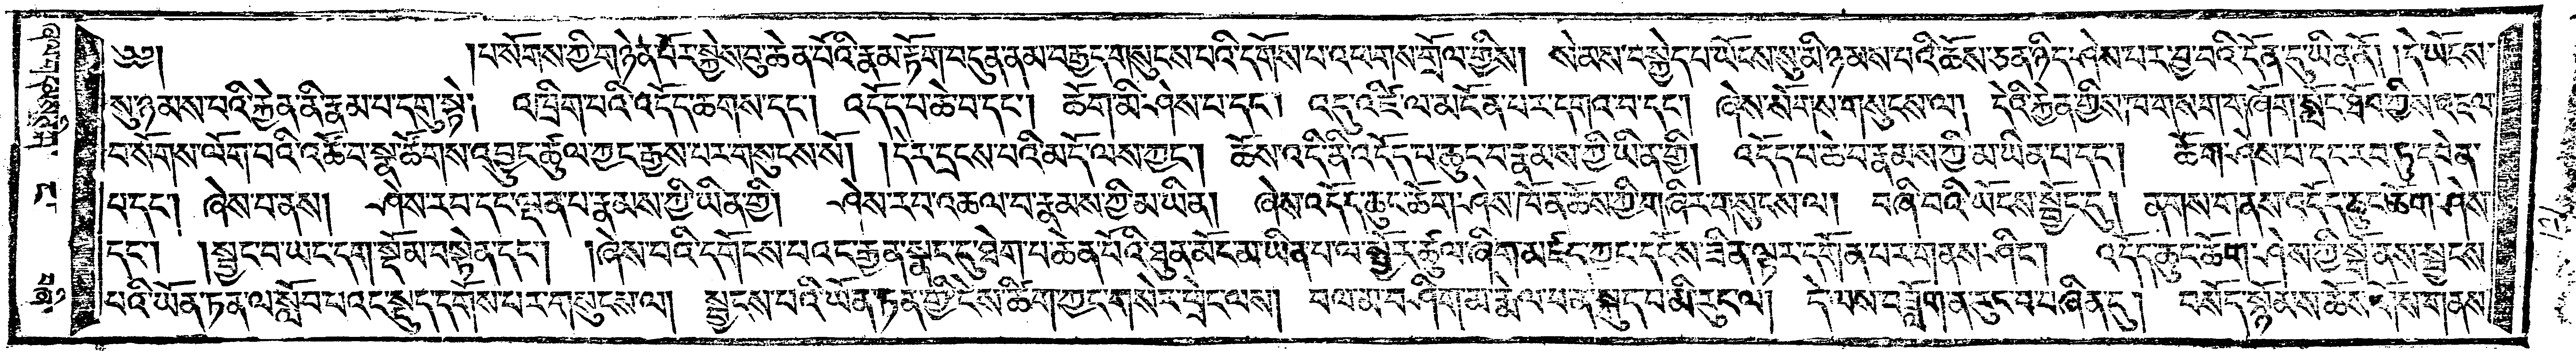༄༅། །པ་སོགས་ཀྱི་གཉེན་པོར་སྐྱེས་བུ་ཆེན་པོའི་རྣམ་རྟོག་བདུན་ནམ་བརྒྱད་གསུངས་བའི་དགོས་པ་འཕགས་གྲོལ་གྱིས། སེམས་བསྐྱེད་བ་ཡོངས་སུ་མི་ཉམས་པའི་ཆོས་ཅན་ཉིད་ཤེས་པར་བྱ་བའི་དོན་དུ་ཡིན་ནོ། །དེ་ཡོངས་
སུ་ཉམས་པའི་རྐྱེན་ནི་རྣམ་པ་དགུ་སྟེ། འཁྲིག་པའི་འདོད་ཆགས་དང་། འདོད་པ་ཆེ་བ་དང་། ཆོག་མི་ཤེས་པ་དང་། འདུ་འཛི་ལ་མངོན་པར་དགའ་བ་དང་། ཞེས་སོགས་གསུངས་ལ། དེའི་རྐྱེན་གྱིས་ཁ་གསག་གཞོག་སློང་ཐོབ་ཀྱིས་འཇལ་
བ་སོགས་ལོག་པའི་འཚོ་བ་སྣ་ཚོགས་འབྱུང་ཚུལ་ཀྱང་རྒྱས་པར་གསུངས་སོ། །དེར་དྲངས་པའི་མདོ་ལས་ཀྱང་། ཆོས་འདི་ནི་འདོད་པ་ཆུང་བ་རྣམས་ཀྱི་ཡིན་གྱི། འདོད་པ་ཆེ་བ་རྣམས་ཀྱི་མ་ཡིན་པ་དང་། ཆོག་ཤེས་པ་དང་རབ་ཏུ་དབེན་
བ་དང་། ཞེས་བ་ནས། ཤེས་རབ་དང་ལྡན་པ་རྣམས་ཀྱི་ཡིན་གྱི། ཤེས་རབ་འཆལ་བ་རྣམས་ཀྱི་མ་ཡིན། ཞེས་འདོད་ཆུང་ཆོག་ཤེས་ཁོ་ན་ཆོས་ཀྱི་གཞིར་གསུངས་ལ། བཞི་བའི་ཡོངས་སྦྱོང་དུ། ནགས་གནས་འདོད་ཆུང་ཆོག་ཤེས་
དང་། །སྦྱང་བ་ཡང་དག་སྡོམ་བསྟེན་དང་། །ཞེས་པའི་དགོངས་བའང་རྒྱན་སྣང་དུ་ཐེག་པ་ཆེན་པོའི་ཐུན་མོང་མ་ཡིན་པ་ལ་སྦྱོར་ཚུལ་ཞིག་མཛད་ཀྱང་དངོས་ཟིན་ལྟར་དགོན་པར་གནས་ཤིང་། འདོད་ཆུང་ཆོག་ཤེས་ཀྱི་སྒོ་ནས་སྦྱངས་
པའི་ཡོན་ཏན་ལ་སློབ་པའང་སྡུད་དགོས་པར་གསུངས་ལ། སྦྱངས་པའི་ཡོན་ཏན་གྱི་ངེས་ཚིག་ཀྱང་གསེར་ཕྲེང་ལས། བལ་མ་བཤིག་མ་རྨེལ་བན་སྐུད་བ་མི་རུང་ལ། དེ་ལས་བཟློག་ན་རུང་བ་བཞིན་དུ། བསོད་སྙོམས་ཆོས་གོས་གནས་